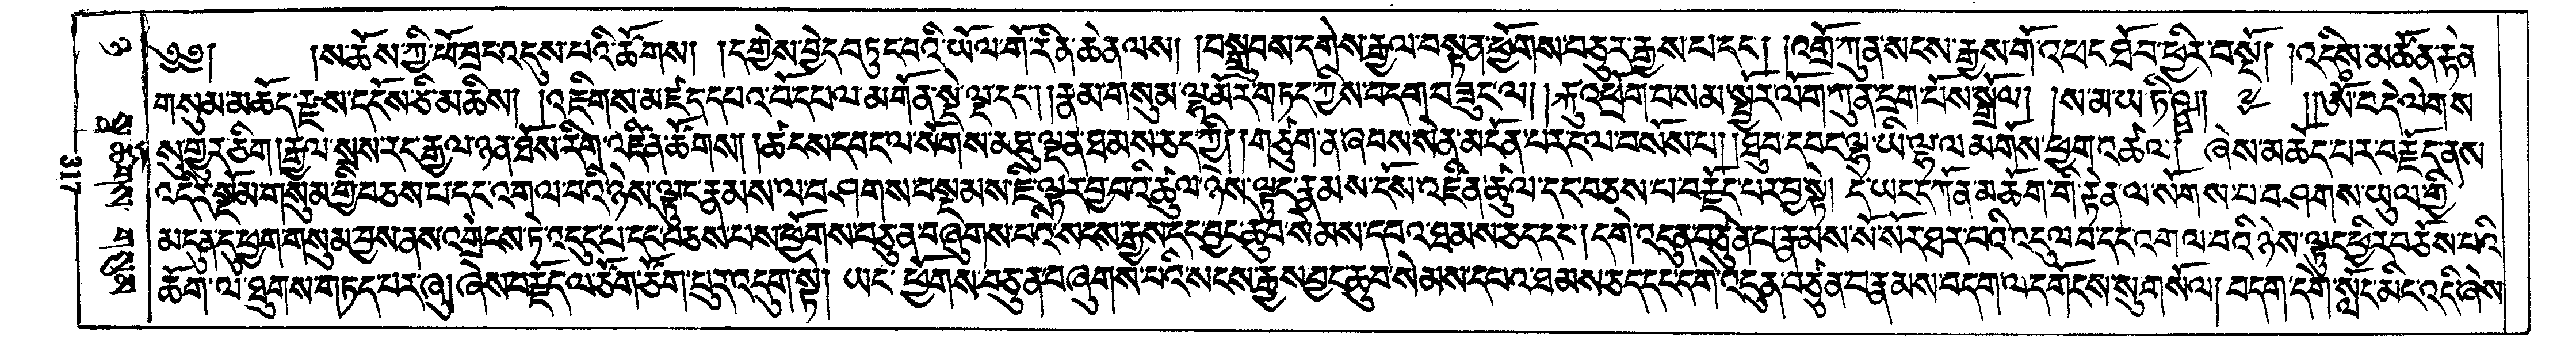༄༅། །ས་ཆོས་ཀྱི་ཕོ་བྲང་འདུས་པའི་ཚོགས། །དགྱེས་བྱེད་བཏུང་བའི་ཡོལ་གོ་རིན་ཆེན་ལས། །བསྒྲུབས་དགེས་རྒྱལ་བསྟན་ཕྱོགས་བཅུར་རྒྱས་པ་དང་། །འགྲོ་ཀུན་སངས་རྒྱས་གོ་འཕང་ཐོབ་ཕྱིར་བསྔོ། །འདིས་མཚོན་རྟེན་
གསུམ་མཆོད་རྫས་དངོས་ཅི་མཆིས། །འཇིགས་མཛད་དཔའ་བོ་དཔལ་མགོན་སྡེ་ལྔ་དང་། །རྣམ་གསུམ་ལྷ་མོར་གཏད་ཀྱིས་བདག་བཟུང་ལ་།རྐུ་འཕྲོག་བསམ་སྦྱོར་ལོག་ཀུན་དྲག་པོས་སྒྲོལ། །ས་མ་ཡ་ཏིཥཊཿཨ།། ༈ །།ཨོཾ་བདེ་ལེགས་
སུ་གྱུར་ཅིག །རྒྱལ་སྲས་རང་རྒྱལ་ཉན་ཐོས་རིག་འཛིན་ཚོགས། །ཚངས་དབང་ལ་སོགས་མཐུ་ལྡན་ཐམས་ཅད་ཀྱི། །གཙུག་ན་ཞབས་སེན་མངོན་པར་ངལ་བསོས་པ། །ཐུབ་དབང་ལྷ་ཡི་ལྷ་ལ་མགོས་ཕྱག་འཚལ། ཞེས་མཆོད་པར་བརྗོད་ནས།
འདིར་སྔོམ་གསུམ་གྱི་བཅས་པ་དང་འགལ་བའི་ཉེས་ལྟུང་རྣམས་ལ་བཤགས་བསྔམས་ཇི་ལྟར་བྱ་བའི་ཚུལ་ཉེས་ལྟུང་རྣམས་ངོས་འཛིན་ཚུལ་དང་བཅས་པ་བརྗོད་པར་བྱ་སྟེ། དེ་ཡང་དཀོན་མཆོག་གི་རྟེན་ལ་སོགས་པ་བཤགས་ཡུལ་གྱི་
མདུན་དུ་ཕྱག་གསུམ་བྱས་ནས་འགྲེངས་ཏེ་འདུད་པ་དང་བཅས་པས་ཕྱོགས་བཅུ་ན་བཞུགས་པའི་སངས་རྒྱས་དང་བྱང་ཆུབ་སེམས་དཔའ་ཐམས་ཅད་དང་། དགེ་འདུན་བཙུན་པ་རྣམས་སོ་སོར་ཐར་པའི་འདུལ་བ་དང་འགལ་བའི་ཉེས་ལྟུང་ཕྱིར་བཅོས་པའི་
ཆོ་ག་ལ་ཐུགས་གཏད་པར་ཞུ། ཞེས་བརྗོད་ལ་ཙོག་ཙོག་པུར་འདུག་སྟེ། ཡང༑ ཕྱོགས་བཅུ་ན་བཞུགས་པའི་སངས་རྒྱས་བྱང་ཆུབ་སེམས་དཔའ་ཐམས་ཅད་དང་། དགེ་འདུན་བཙུན་པ་རྣམས་བདག་ལ་དགོངས་སུ་གསོལ། བདག་དགེ་སློང་མིང་འདི་ཞེས་